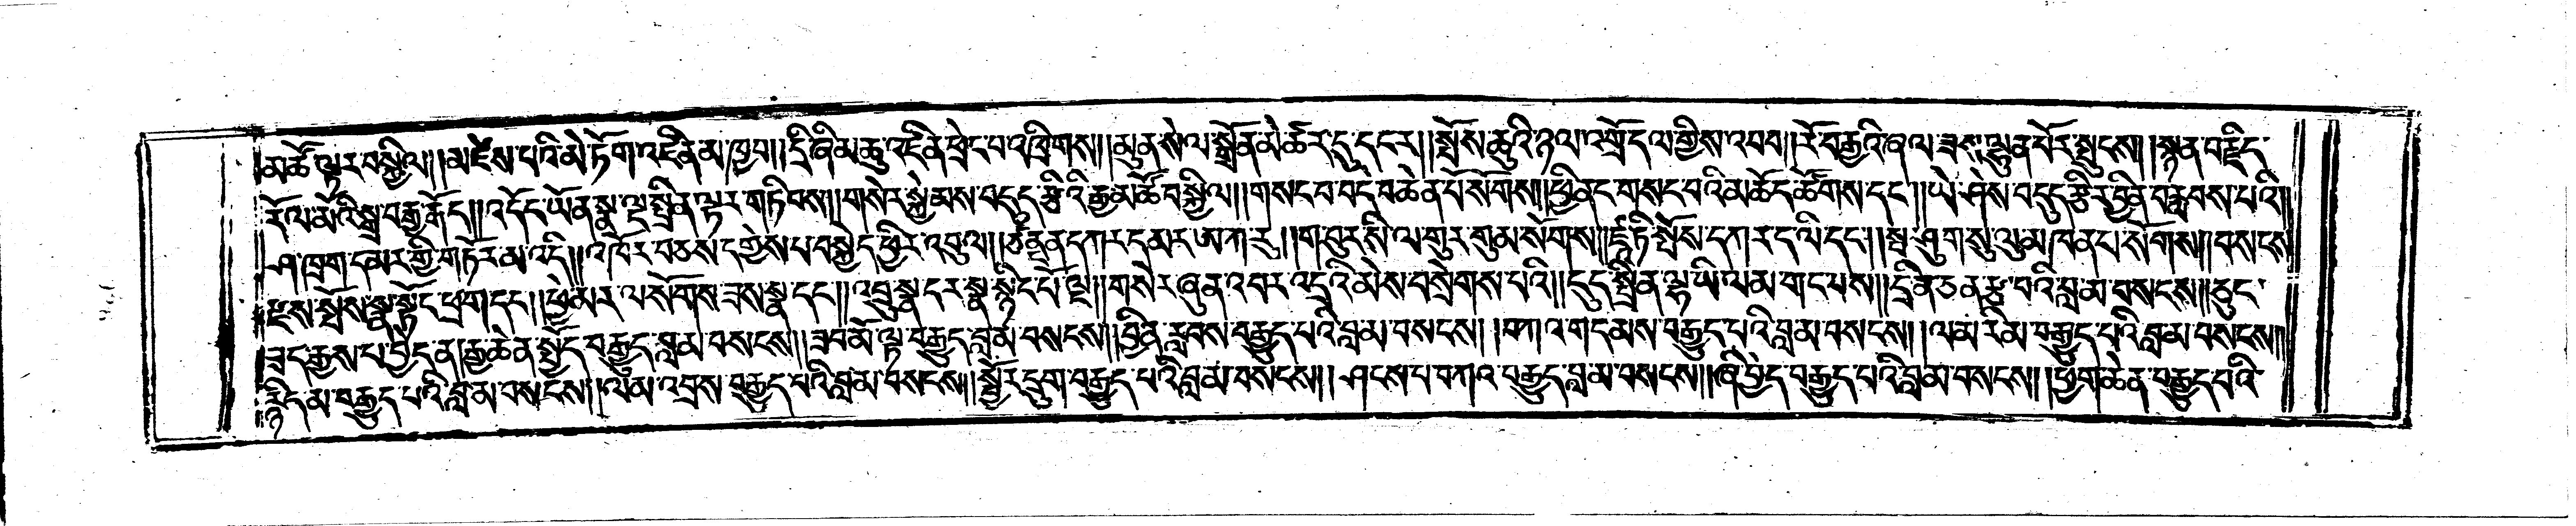མཚོ་ལྟར་བསྐྱིལ། །མཛེས་པའི་མེ་ཏོག་འཛིན་མ་ཁྱབ། །དྲི་ཞིམ་ཆུ་འཛིན་ཕྲེང་བ་འཁྲིགས། །མུན་སེལ་སྒྲོན་མེ་ཚར་དུ་དངར། །སྤྲོས་ཆུའི་ཉལ་འགྲོ་དལ་གྱིས་འབབ། །རོ་བརྒྱའི་ཞལ་ཟས་ལྷུན་པོར་སྤུངས། །སྙན་བརྗིད་
རོལ་མོའི་སྒྲ་བརྒྱ་རྒོད། །འདོད་ཡོན་སྣ་ལྔ་སྤྲིན་ལྟར་གཏིབས། །གསེར་སྐྱེམས་བདུད་རྩིའི་རྒྱ་མཚོ་བསྐྱིལ། །གསང་བ་བདེ་བ་ཆེན་པོ་སོགས། །ཕྱི་ནང་གསང་བའི་མཆོད་ཚོགས་དང་། །ཡེ་ཤེས་བདུད་རྩིར་བྱིན་བརླབས་པའི། །
ཤ་ཁྲག་དམར་གྱི་གཏོར་མ་འདི། །འཁོར་བཅས་དགྱེས་པ་བསྐྱེད་ཕྱིར་འབུལ། །ཙནྡན་དཀར་དམར་ཨ་ཀ་རུ། །ག་བུར་སི་ལ་གུར་གུམ་སོགས། །ཛཱ་ཏི་སྤོས་དཀར་ད་ལི་དང་། །སྦ་ཤུག་སུ་ལུ་མཁན་པ་སོགས། །བསངས་
རྫས་སྤོས་སྣ་སྟོང་ཕྲག་དང་། །ཕྱེ་མར་ལ་སོགས་ཟས་སྣ་དང་། །འབྲུ་སྣ་དར་སྣ་སྙིང་པོ་ལྔ། །གསེར་ཞུན་འབར་འདྲའི་མེས་བསྲེགས་པའི། །དུད་སྤྲིན་ལྷ་ཡི་ལམ་གང་བས། །དྲིན་ཅན་རྩ་བའི་བླ་མ་བསངས། །ཅུང་
ཟད་རྒྱས་པ་བྱེད་ན། རྒྱ་ཆེན་སྤྱོད་བརྒྱུད་བླ་མ་བསངས། །ཟབ་མོ་ལྟ་བརྒྱུད་བླ་མ་བསངས། །བྱིན་རླབས་བརྒྱུད་པའི་བླ་མ་བསངས། །བཀའ་གདམས་བརྒྱུད་པའི་བླ་མ་བསངས། །ལམ་རིམ་བརྒྱུད་པའི་བླ་མ་བསངས། །
རྙིང་མ་བརྒྱུད་པའི་བླ་མ་བསངས། །ལམ་འབྲས་བརྒྱུད་པའི་བླ་མ་བསངས། །སྦྱོར་དྲུག་བརྒྱུད་པའི་བླ་མ་བསངས། །ཤངས་པ་བཀའ་བརྒྱུད་བླ་མ་བསངས། །ཞི་བྱེད་བརྒྱུད་པའི་བླ་མ་བསངས། །ཕྱག་ཆེན་བརྒྱུད་པའི་